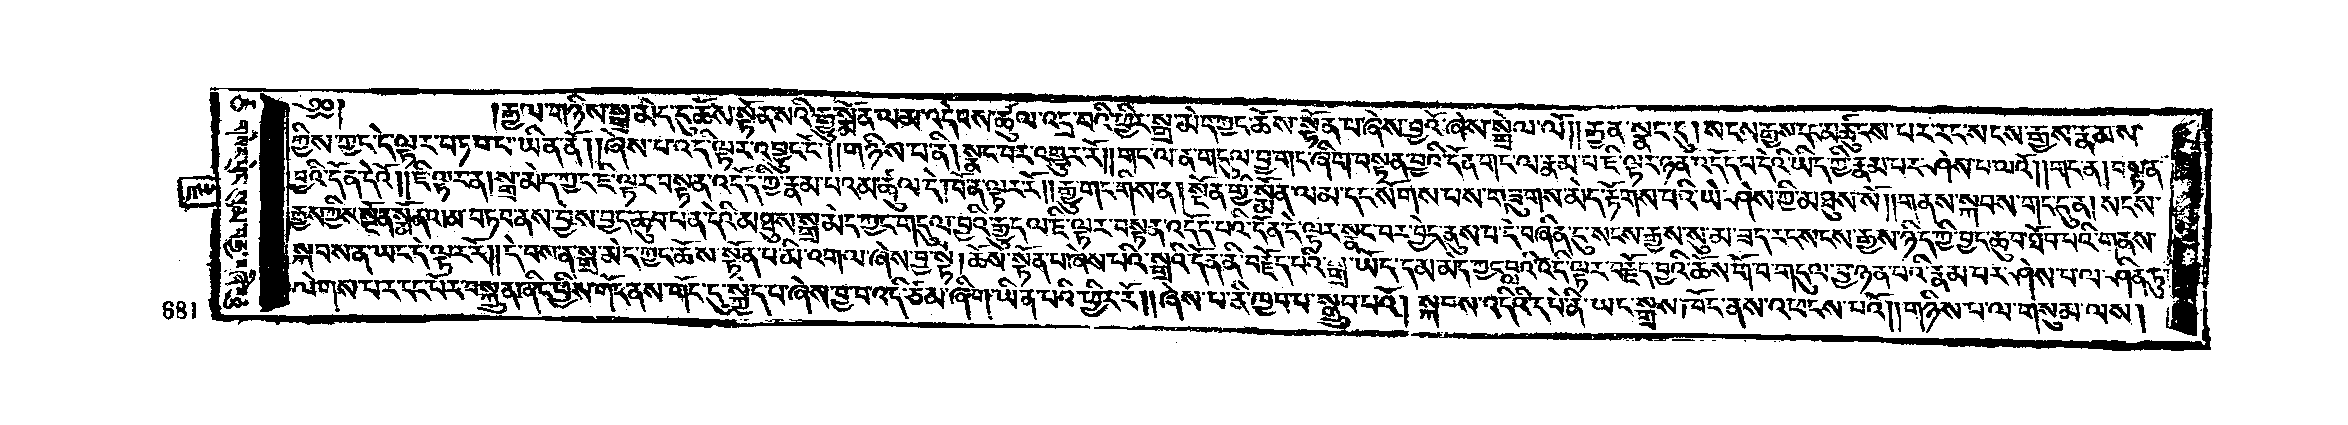༄༅། །རྒྱལ་གཉིས་སྒྲ་མེད་དུ་ཆོས་སྟོན་པའི་རྒྱུ་སྨོན་ལམ་འདེབས་ཚུལ་འདྲ་བའི་ཕྱིར་སྒྲ་མེད་ཀྱང་ཆོས་སྟོན་པ་ཞེས་བྱའོ་ཞེས་སྒྲེལ་ལོ། །རྒྱན་སྣང་དུ། སངས་རྒྱས་དང་མཚུངས་པར་རང་སངས་རྒྱས་རྣམས་
ཀྱིས་ཀྱང་དེ་ལྟར་བཏབ་པ་ཡིན་ནོ། །ཞེས་པ་འདི་ལྟར་འབྱུང་ངོ། །གཉིས་པ་ནི། སྣང་བར་འགྱུར་རོ། །གང་ལ་ན་གདུལ་བྱ་གནག་ཞིག་བསྟན་བྱའི་དོན་གང་ལ་རྣམ་པ་ཇི་ལྟར་ཉན་འདོད་པ་དེའི་ཡིད་ཀྱི་རྣམ་པར་ཤེས་པ་ལའོ། །གང་ན། བསྟན་
བྱའི་དོན་དེའོ། །ཇི་ལྟར་ན། སྒྲ་མེད་ཀྱང་ཇི་ལྟར་བསྟན་འདོད་ཀྱི་རྣམ་པའམ་ཚུལ་དེ་ཁོ་ན་ལྟར་རོ། །རྒྱུ་གང་གིས་ན། སྔོན་གྱི་སྨོན་ལམ་དང་སོགས་པས་གཟུགས་མེད་རྟོགས་པའི་ཡེ་ཤེས་ཀྱི་མཐུས་སོ། །གནས་སྐབས་གང་དུ་ན། སངས་
རྒྱས་ཀྱིས་སྔོན་སྨོན་ལམ་བཏབ་ནས་བྱིས་བྱང་ཆུབ་པ་ན་དེའི་མཐུས་སྒྲ་མེད་ཀྱང་གདུལ་བྱའི་རྒྱུད་ལ་ཇི་ལྟར་བསྟན་འདོད་པའི་དོན་དེ་ལྟར་སྣང་བར་བྱེད་ནུས་པ་དེ་བཞིན་དུ་སངས་རྒྱས་སུ་མ་ཟད་རང་སངས་རྒྱས་ཉིད་ཀྱི་བྱང་ཆུབ་ཐོབ་པའི་གནས་
སྐབས་ན་ཡང་དེ་ལྟར་རོ། །དེ་བས་ན་སྒྲ་མེད་ཀྱང་ཆོས་སྟོན་པ་མི་འགལ་ཞེས་བྱ་སྟེ། ཆོས་སྟོན་པ་ཞེས་པའི་སྒྲའི་དོན་ནི་བརྗོད་པའི་སྒྲ་ཡོད་དམ་མེད་ཀྱང་བླའི་འདི་ལྟར་བརྗོད་བྱའི་ཆོས་གོ་བ་གདུལ་བྱ་ཉན་པའི་རྣམ་པར་ཤེས་པ་ལ་ཤིན་ཏུ་
ལེགས་པར་དང་པོར་བསྐྲུན་ཞིང་ཕྱིས་གོང་ནས་གོང་དུ་སྐྱེད་པ་ཞེས་བྱ་བ་འདི་ཙམ་ཞིག་ཡིན་པའི་ཕྱིར་རོ། །ཞེས་པ་ནི་ཁྱབ་པ་སྒྲུབ་པའོ། །སྐབས་འདིའི་དཔེ་ནི་ཡང་སྒྲས་ཁོང་ནས་འཕངས་པའོ། །གཉིས་པ་ལ་གསུམ་ལས།